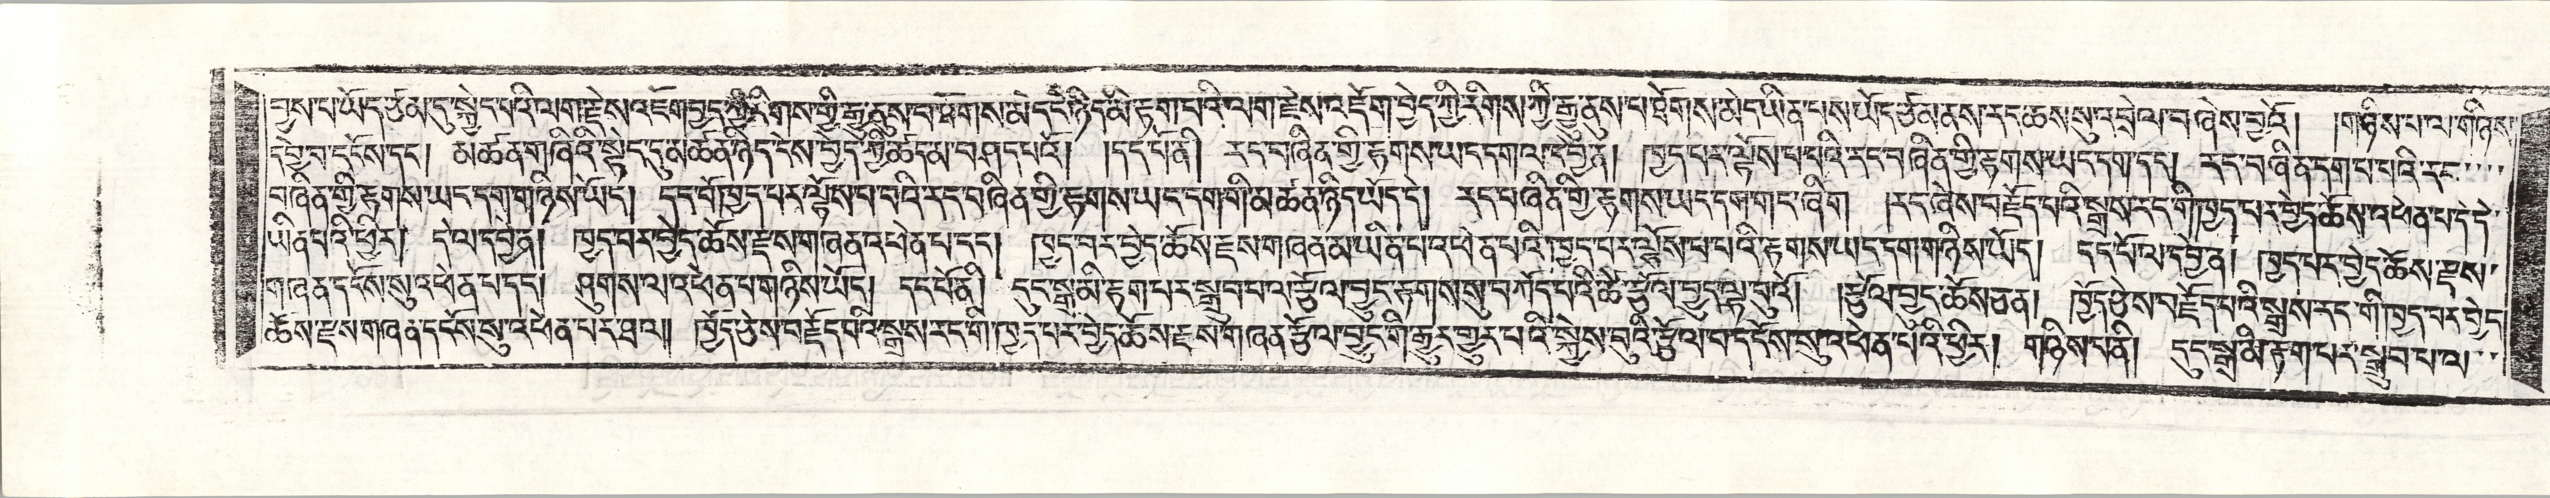བྱས་པ་ཡོད་ཙམ་དུ་སྐྱེད་པའི་ལག་རྗེས་འཇོག་བྱེད་ཀྱི་རིགས་ཀྱི་རྒྱུ་ནུས་པ་ཐོགས་མེད་དེ་ཉིད་མི་རྟག་པའི་ལག་རྗེས་འཇོག་བྱེད་ཀྱི་རིགས་ཀྱི་རྒྱུ་ནུས་པ་ཐོགས་མེད་ཡིན་པས་ཡོད་ཙམ་ནས་རང་ཆས་སུ་འབྲེལ་བ་ཞེས་བྱའོ།། གཉིས་པ་ལ་གཉིས་
དབྱེ་བ་དངོས་དང་། མཚན་གཞིའི་སྟེང་དུ་མཚན་ཉིད་ངེས་བྱེད་ཀྱི་ཚད་མ་བཤད་པའོ། །དང་པོ་ནི། རང་བཞིན་གྱི་རྟགས་ཡང་དག་ལ་དབྱེ་ན། ཁྱད་པར་ལྟོས་པ་བའི་རང་བཞིན་གྱི་རྟགས་ཡང་དག་དང་། རང་བཞིན་དག་པ་བའི་རང་
བཞིན་གྱི་རྟགས་ཡང་དག་གཉིས་ཡོད། དང་པོ་ཁྱད་པར་ལྟོས་པ་པའི་རང་བཞིན་གྱི་རྟགས་ཡང་དག་གི་མཚན་ཉིད་ཡོད་དེ། རང་བཞིན་གྱི་རྟགས་ཡང་དག་གང་ཞིག །རང་ཞེས་བརྗོད་པའི་སྒྲས་རང་གི་ཁྱད་པར་བྱེད་ཆོས་འཕེན་པ་དེ་དེ་
ཡིན་པའི་ཕྱིར། དེ་ལ་དབྱེ་ན། ཁྱད་པར་བྱེད་ཆོས་རྫས་གཞན་འཕེན་པ་དང་། ཁྱད་པར་བྱེད་ཆོས་རྫས་གཞན་མ་ཡིན་པ་འཕེན་པའི་ཁྱད་པར་ལྟོས་པ་པའི་རྟགས་ཡང་དག་གཉིས་ཡོད། དང་པོ་ལ་དབྱེ་ན། ཁྱད་པར་བྱེད་ཆོས་རྫས་
གཞན་དངོས་སུ་འཕེན་པ་དང་། ཤུགས་ལ་འཕེན་པ་གཉིས་ཡོད། དང་པོ་ནི། དུང་སྒྲ་མི་རྟག་པར་སྒྲུབ་པ་ལ་རྩོལ་བྱུང་རྟགས་སུ་བཀོད་པའི་ཚེ་རྩོལ་བྱུང་ལྟ་བུའོ། །རྩོལ་བྱུང་ཆོས་ཅན། ཁྱོད་ཅེས་བརྗོད་པའི་སྒྲས་རང་གི་ཁྱད་པར་བྱེད་
ཆོས་རྫས་གཞན་དངོས་སུ་འཕེན་པར་ཐལ། ཁྱོད་ཅེས་བརྗོད་པའི་སྒྲས་རང་གི་ཁྱད་པར་བྱེད་ཆོས་རྫས་གཞན་རྩོལ་བྱུང་གི་རྒྱུར་གྱུར་པའི་སྐྱེས་བུའི་རྩོལ་བ་དངོས་སུ་འཕེན་པའི་ཕྱིར། གཉིས་པ་ནི། དུང་སྒྲ་མི་རྟག་པར་སྒྲུབ་པ་ལ་